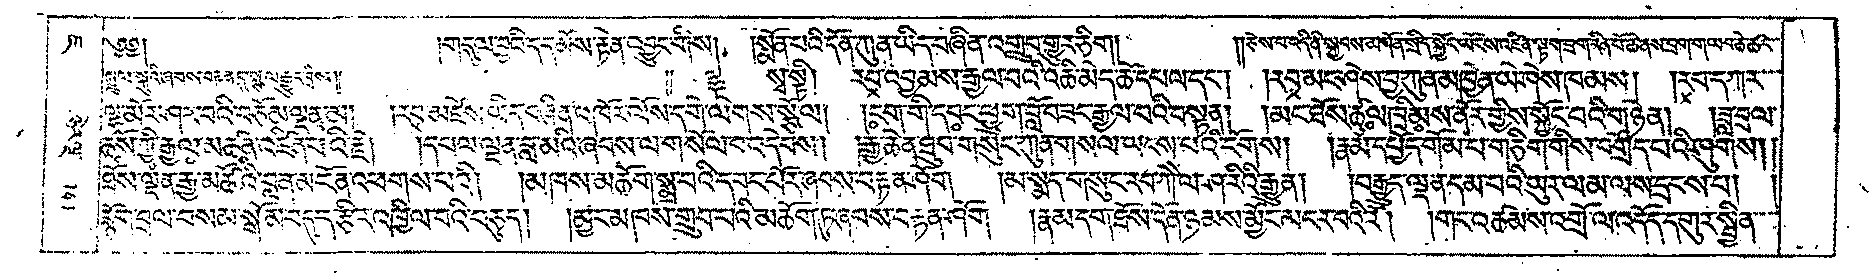༄༅། །གདུལ་བྱའི་དད་མོས་རྟེན་འབྱུང་གིས། །སྨོན་པའི་དོན་ཀུན་ཡིད་བཞིན་འགྲུབ་གྱུར་ཅིག། །།ཅེས་པ་འདི་ནི་སྐྱབས་མགོན་སྲིད་སྐྱོང་ཡོངས་འཛིན་སྟག་བྲག་རིན་པོ་ཆེ་ནས་བྲག་གཡབ་ཆེ་ཚང་
སྤྲུལ་སྐུའི་ཞབས་བརྟན་དུ་སྩལ་རྒྱུར་བྲིས།། །། ༈ སྭ་སྟི། རབ་྾་འབྱམས་རྒྱལ་བའི་འཆི་མེད་ཚེ་དཔལ་དང་། །རབ་྾་མང་ཤེས་བྱ་ཀུན་མཁྱེན་ཡེ་ཤེས་ཁམས། །རབ་྾་དཀར་
ལྷ་མོར་ཤར་བའི་བཅོམ་ལྡན་མ། །རབ་྾་མཛེས་ཡིད་བཞིན་འཁོར་ལོས་དགེ་ལེགས་སྩོལ། །ངག྾་གི་དབང྾་ཕྱུག་བློ་བཟང་རྒྱལ་བའི་བསྟན། །མང་ཐོས་ཚུལ྾་ཁྲིམས྾་ནོར་གྱིས་སྐྱོང་བའི་གཉེན། །ཟླ་བྲལ་
ཆོས྾་ཀྱི྾་རྒྱལ྾་མཚན྾་འཛིན་པའི་རྗེ། །དཔལ་ལྡན་བླ་མའི་ཞབས་ལ་གསོལ་བ་འདེབས། །རྒྱ་ཆེན་ཐུབ་གསུང་ཀུན་གསལ་ཡངས་པའི་ངོགས། །རྣམ་དཔྱོད་གོམ་པ་གཅིག་གིས་བགྲོད་པའི་ཤུགས། །
ཐོས་ལྡན་རྒྱ་མཚོའི་བླ་ན་མངོན་འཕགས་པའི། །མཁས་མཆོག་སྨྲ་བའི་དབང་པོར་ཞབས་བརྟན་ཤོག །མ་སྨད་གསུང་རབ་ཀཻ་ལ་ཤ་རིའི་རྒྱུན། །བརྒྱུད་ལྡན་དམ་པའི་ཡུར་ལམ་ལས་དྲངས་པ། །
རྙོག་བྲལ་བསམ་སྒོམ་བདུད་རྩིར་འཁྱིལ་བའི་བཅུད། །མྱང་མཁས་གྲུབ་པའི་མཆོག་ཏུ་ཞབས་བརྟན་ཤོག །རྣམ་དག་ཐོས་དོན་ཉམས་མྱོང་མངར་བའི་རོ། །གང་འཚམས་འགྲོ་ལ་འདོད་དགུར་སྦྱིན་